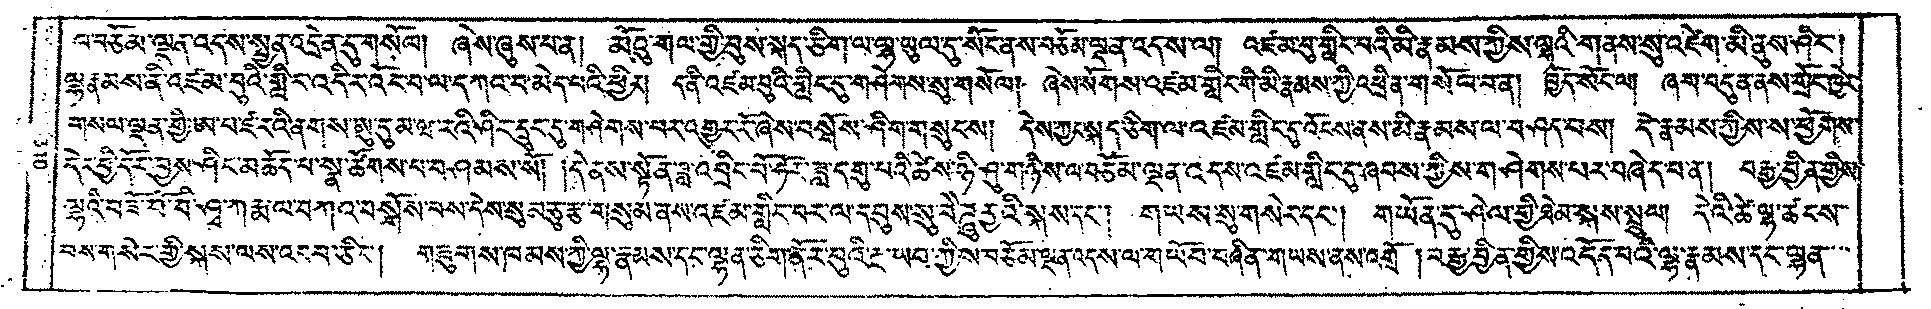ལ་བཅོམ་ལྡན་འདས་སྤྱན་འདྲེན་དུ་གསོལ། ཞེས་ཞུས་པ་ན། མོའུ་གལ་གྱི་བུས་སྐད་ཅིག་ལ་ལྷ་ཡུལ་དུ་སོང་ནས་བཅོམ་ལྡན་འདས་ལ། འཛམ་བུ་གླིང་བའི་མི་རྣམས་ཀྱིས་ལྷའི་གནས་སུ་འཛེག་མི་ནུས་ཤིང་།
ལྷ་རྣམས་ནི་འཛམ་བུའི་གླིང་འདིར་འོང་བ་ལ་དཀའ་བ་མེད་པའི་ཕྱིར། ད་ནི་འཛམ་བུའི་གླིང་དུ་གཤེགས་སུ་གསོལ། ཞེས་སོགས་འཛམ་གླིང་གི་མི་རྣམས་ཀྱི་འཕྲིན་གསོལ་བ་ན། ཁྱོད་སོང་ལ། ཞག་བདུན་ནས་གྲོང་ཁྱེར་
གསལ་ལྡན་གྱི་ཨ་པ་ཛ་རའི་ནགས་ཨུ་དུམ་ཝ་རའི་ཤིང་དྲུང་དུ་གཤེགས་པར་འགྱུར་རོ་ཞེས་བསྒོས་ཤིག་གསུངས། དེས་ཀྱང་སྐད་ཅིག་ལ་འཛམ་གླིང་དུ་འོངས་ནས་མི་རྣམས་ལ་བཤད་པས། དེ་རྣམས་ཀྱིས་ས་ཕྱོགས་
དེར་བྱི་དོར་བྱས་ཤིང་མཆོད་པ་སྣ་ཚོགས་པ་བཤམས་སོ། །དེ་ནས་སྟོན་ཟླ་འབྲིང་པོ་ཧོར་ཟླ་དགུ་པའི་ཚེས་ཉི་ཤུ་གཉིས་ལ་བཅོམ་ལྡན་འདས་འཛམ་གླིང་དུ་ཞབས་ཀྱིས་གཤེགས་པར་བཞེད་པ་ན། བརྒྱ་བྱིན་གྱིས་
ལྷའི་བཟོ་བོ་བི་ཤྭ་ཀརྨ་ལ་བཀའ་བསྒོས་པས་དེས་སུམ་ཅུ་རྩ་གསུམ་ནས་འཛམ་གླིང་བར་ལ་དབུས་སུ་བཻཌཱུ་རྱའི་སྐས་དང་། གཡས་སུ་གསེར་དང་། གཡོན་དུ་ཤེལ་གྱི་ཐེམ་སྐས་སྤྲུལ། དེའི་ཚེ་ལྷ་ཚངས་
པས་གསེར་གྱི་སྐས་ལས་འབབ་ཅིང་། གཟུགས་ཁམས་ཀྱི་ལྷ་རྣམས་དང་ལྷན་ཅིག་ནོར་བུའི་རྔ་ཡབ་ཀྱིས་བཅོམ་ལྡན་འདས་ལ་གཡོབ་བཞིན་གཡས་ནས་འགྲོ་།བརྒྱ་བྱིན་གྱིས་འདོད་པའི་ལྷ་རྣམས་དང་ལྷན་